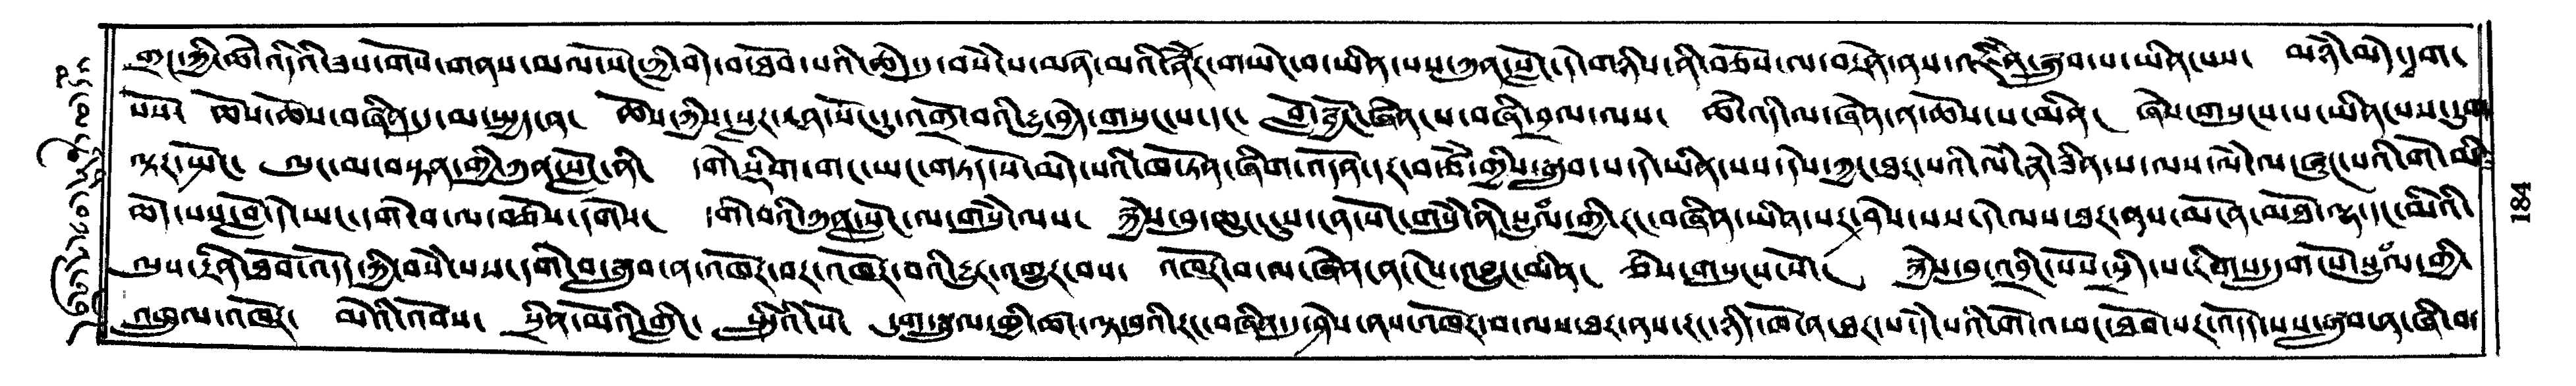གྲགས། ཚེ་འདིའི་ཟས་གོས་གནས་མལ་སོགས་ཀྱི་བདེ་བ་ཐོབ་པའི་ཆེད་དུ་བསམ་པ་ནི་མཚན་མའི་རྣམ་པར་གཡེང་བ་ཡིན་པས་ཀུན་སློང་དེ་གཉིས་ཀྱིས་ཆོས་ལ་བརྟེན་ནས་འཇིག་རྟེན་སྒྲུབ་པ་ཡིན་པས། མཉམ་མེད་དྭགས་
པོས། ཆོས་ཆོས་བཞིན་དུ་མ་སྤྱད་ན། ཆོས་ཀྱིས་སླར་ངན་སོང་དུ་འགྲོ་བའི་རྒྱུ་བྱེད་གསུངས་པ་དང་། བློ་སྦྱོང་ཞེན་པ་བཞི་བྲལ་ལས། ཚེ་འདི་ལ་ཞེན་ན་ཆོས་པ་མིན། ཞེས་གསུངས་པ་ཡིན་པས་དུག་
ལྟར་སྤོང་། ལུང་མ་བསྟན་གྱི་ཀུན་སློང་ནི། དགེ་སྡིག་གང་ཡང་གཏད་སོ་མེད་པའི་ཁ་ཏོན་ཞིག་འདོན་དར་བ་རྩམ་གྱིས་སྒྲུབ་པ་དེ་ཡིན་པས་དེས་ཀྱང་ཐར་པའི་ལམ་སྣེ་ཟིན་པ་ལས་ལམ་ལ་ཞུགས་པའི་གོ་མི་
ཆོད་པས་བློ་དེ་ཡང་དགེ་བ་ལ་བཅོས་དགོས། དགེ་བའི་ཀུན་སློང་ལ་གསུམ་ལས། སྐྱེས་བུ་ཆུང་ངུས་ངན་སོང་གསུམ་ནི་སྡུག་བསྔལ་གྱི་རང་བཞིན་ཡིན་པར་ཤེས་པས་དེ་ལས་ཐར་ནས་མངོན་མཐོ་ལྷ་དང་མིའི་
ལུས་རྟེན་འཐོབ་འདོད་ཀྱི་བསམ་པས་དགེ་བ་སྒྲུབ་ན་འཁོར་བར་འཁོར་བའི་རྒྱུར་འགྱུར་བས། འཁོར་བ་ལ་ཞེན་ན་ངེས་འབྱུང་མིན། ཞེས་གསུངས་སོ།། སྐྱེས་བུ་འབྲིང་པོས་སྲིད་པ་རིགས་དྲུག་པོ་སྡུག་བསྔལ་གྱི་
འཁྲུལ་འཁོར།མེའི་འཽབས། སྲིན་མོའི་གླིང་། སྤུ་གྲིའི་སོ། དུག་སྦྲུལ་གྱི་ཚང་ལྟ་བུའི་རང་བཞིན་དུ་ཤེས་ནས་འཁོར་བ་ལས་ཐར་ནས་རང་ཉིད་ཁོ་ན་ཐར་པ་དམ་པའི་གོ་འཕང་ཐོབ་པར་འདོད་པས་སྒྲུབ་ན་ཞི་བ་